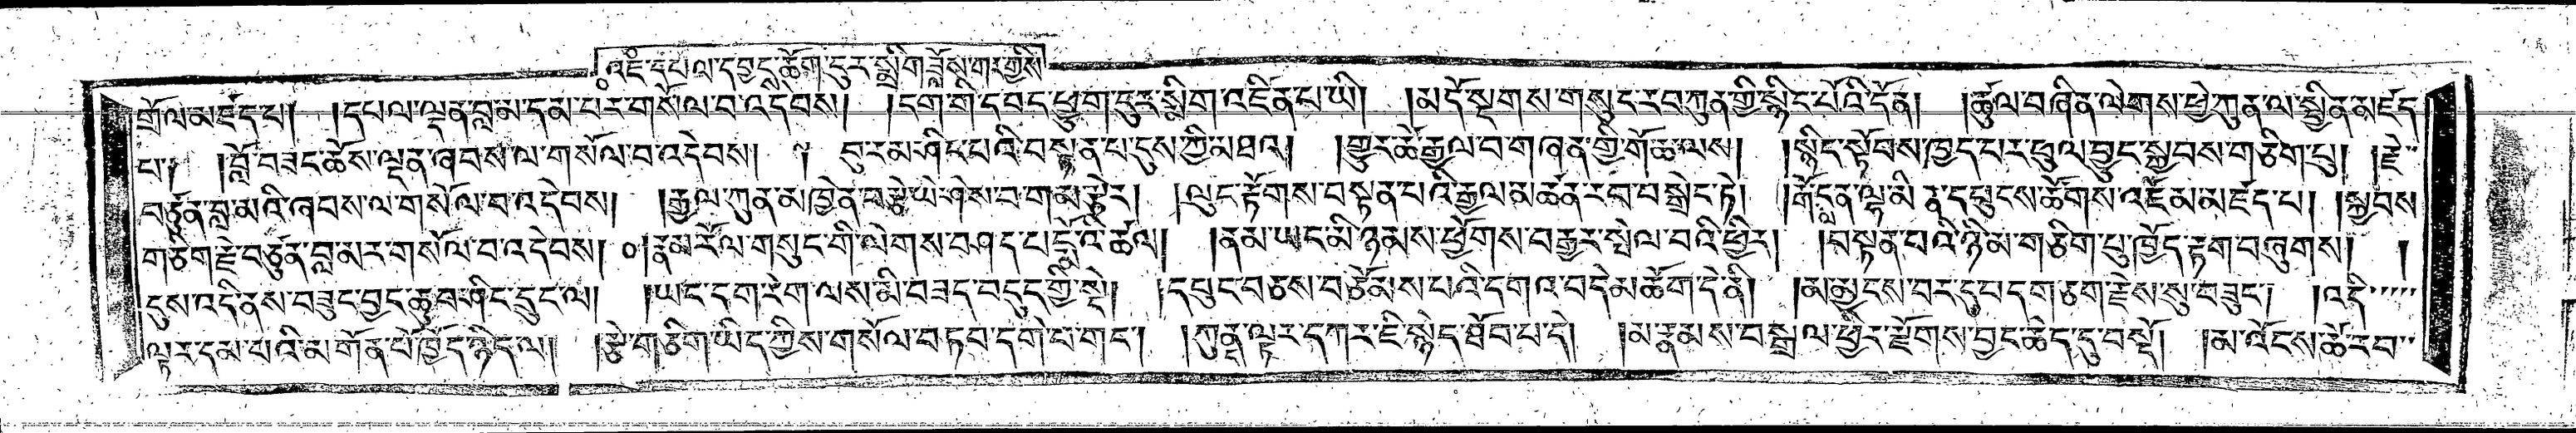གྲོལ་མཛད་པ། །དཔལ་ལྡན་བླ་མ་དམ་པར་གསོལ་བ་འདེབས། །ངག་གི་དབང་ཕྱུག་དུར་སྨིག་འཛིན་པ་ཡི། །མདོ་སྔགས་གསུང་རབ་ཀུན་གྱི་སྙིང་པོའི་དོན། །ཚུལ་བཞིན་ལེགས་ཕྱེ་ཀུན་ལ་སྦྱིན་མཛད་
པ། །བློ་བཟང་ཆོས་ལྡན་ཞབས་ལ་གསོལ་བ་འདེབས། ༈ བུ་རམ་ཤིང་བའི་བསྟན་པ་དུས་ཀྱི་མཐའ། །གྱུར་ཚེ་རྒྱལ་བ་གཞན་གྱི་གོ་ཆ་ལས། །སྙིང་སྟོབས་ཁྱད་པར་ཕུལ་བྱུང་སྐྱབས་གཅིག་པུ། །རྗེ་
བཙུན་བླ་མའི་ཞབས་ལ་གསོལ་བ་འདེབས། །རྒྱལ་ཀུན་མཁྱེན་བརྩེ་ཡེ་ཤེས་བ་གམ་རྩེར། །ལུང་རྟོགས་བསྟན་པའི་རྒྱལ་མཚན་རབ་བསྒྲེང་ཏེ། །རྒོལ་ངན་ལྷ་མིན་དཔུངས་ཚོགས་འཇོམ་མཛད་པ། །སྐྱབས་
གཅིག་རྗེ་བཙུན་བླ་མར་གསོལ་བ་འདེབས། འཇམ་དཔལ་དབྱངས་ཆོག་ངུར་སྨྲིག་ཟློས་གར་གྱིས། །རྣམ་རོལ་གསུང་གི་ལེགས་བཤད་པདམོའི་ཚལ། །ནམ་ཡང་མི་ཉམས་ཕྱོགས་བརྒྱར་སྤེལ་བའི་ཕྱིར། །བསྟན་པའི་ཉི་མ་གཅིག་པུ་ཁྱོད་རྟག་བཞུགས། །
དུས་འདི་ནས་བཟུང་བྱང་ཆུབ་ཤིང་དྲུང་ལ། །ཡང་དག་རེག་ལས་མི་བཟད་བདུད་ཀྱི་སྡེ། །དཔུང་བཅས་བཅོམས་པའི་དགའ་བདེ་མཆོག་དེ་ནི། །མ་མྱངས་བར་དུ་བདག་ཅག་རྗེས་སུ་བཟུང་། །འདི་
ལྟར་དམ་པའི་མགོན་པོ་ཁྱོད་ཉིད་ལ། །རྩེ་གཅིག་ཡིད་ཀྱིས་གསོལ་བཏབ་དགེ་བ་གང་། །ཀུནྡ་ལྟར་དཀར་ཇི་སྙེད་ཐོབ་པ་དེ། །མ་རྣམས་བསྒྲལ་ཕྱིར་རྫོགས་བྱང་ཆེད་དུ་བསྡོ། །མ་འོངས་ཚེ་རབ་